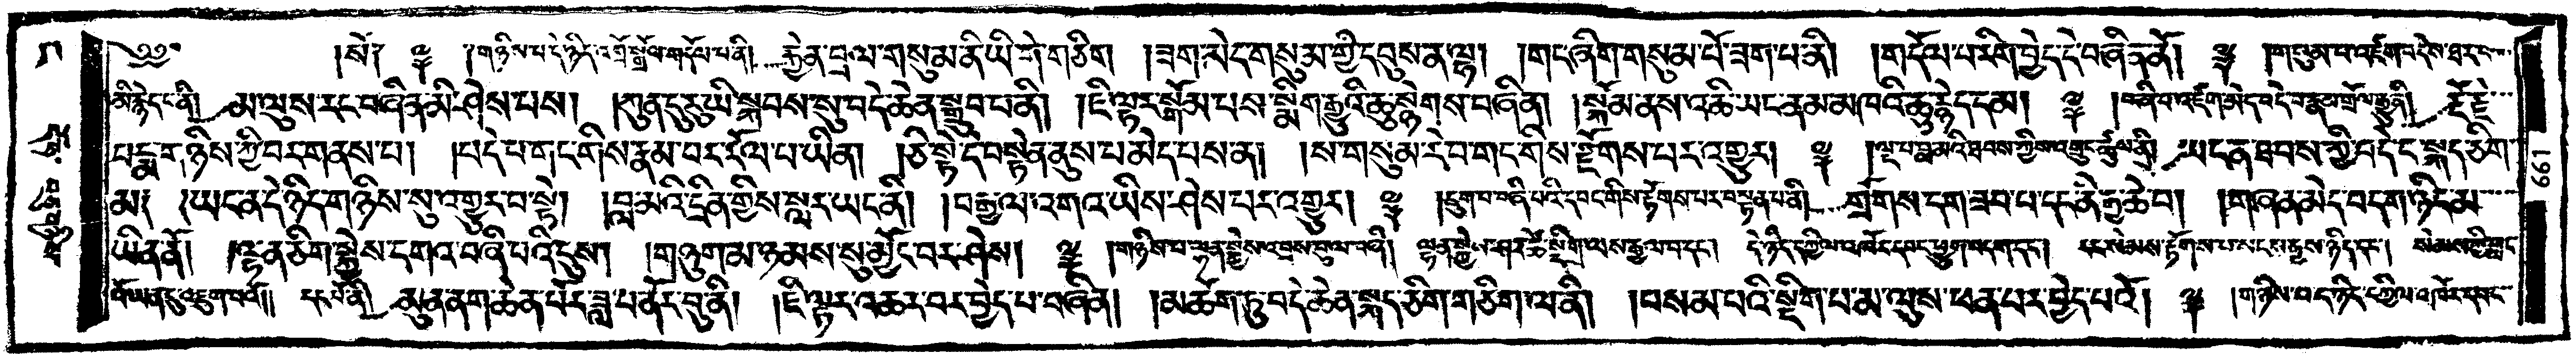༄༅། །སོ༑ ༈ །གཉིས་པ་རེ་ཉིད་འགྲོ་སྒྲོལ་འདོལ་བ་ནི། རྐྱེན་བྲལ་གསུམ་ནི་ཡི་གེ་གཅིག །ཟག་མེད་གསུམ་གྱི་དབུས་ན་ལྷ། །གང་ཞིག་གསུམ་པོ་ཟག་པ་ནི། །གདོལ་པ་རིག་བྱེད་དེ་བཞིན་ནོ། ༈ །གསུམ་པ་འཛག་འདེས་ཐངས?
མི་རྙེད་པ་ནི། མ་ལུས་རང་བཞིན་མི་ཤེས་པས། །ཀུན་དུ་རུ་ཡི་སྐབས་སུ་བདེ་ཆེན་སྒྲུབ་པ་ནི། །ཇི་ལྟར་སྒོམ་པས་སྨིག་རྒྱུའི་ཆུ་སྙེགས་བཞིན། །སྐོམ་ནས་འཆི་ཡང་ནམ་མཁའི་ཆུ་རྙེད་དམ། ༈ །བཞི་པ་འཛག་མེད་བདེ་བ་རྣམ་གྲོལ་རྒྱུ་ནི། རྡོ་རྗེ་
པདམ་གཉིས་ཀྱི་བར་གནས་པ། །བདེ་པ་གང་གིས་རྣམ་པར་རོལ་པ་ཡིན། །ཅི་སྟེ་དེ་བསྟེན་ནུས་པ་མེད་པས་ན། །ས་གསུམ་རེ་བ་གང་གིས་རྫོགས་པར་འགྱུར། ༈ །ལྔ་པ་བླ་མའི་ཐབས་ཀྱིས་འགྲུབ་ཚུལ་ནི། ཡང་ན་ཐབས་ཀྱི་བདེ་བ་སྐད་ཅིག་
མ༑ ༑ཡང་ན་དེ་ཉིད་གཉིས་སུ་འགྱུར་བ་སྟེ། །བླ་མའི་དྲིན་གྱིས་སླར་ཡང་ནི། །བརྒྱ་ལ་འགའ་ཡིས་ཤེས་པར་འགྱུར། ༈ །དྲུག་པ་བཞི་པའི་དབང་གིས་རྟོགས་པར་བསྟན་པ་ནི། གྲོགས་དག་ཟབ་པ་དང་ནི་རྒྱ་ཆེ་བ། །གཞན་མེད་བདག་ཉིད་མ་
ཡིན་ནོ། །ལྷན་ཅིག་སྐྱེས་དགའ་བཞི་པའི་དུས། །གཉུག་མ་ཉམས་སུ་མྱོང་བར་ཤེས། ༈ །གཉིས་པ་ལྷན་སྐྱེས་འབྲས་བུལ་བཞི། ལྷན་སྐྱེས་ཤར་ཚེ་སྡིག་ལས་རྒྱལ་བ་དང་། དེ་ཉིད་དཀྱིལ་འཁོར་དབང་ཕྱུག་བདག་དང་། རང་སེམས་རྟོགས་པ་སངས་རྒྱས་ཉིད་དང་། སེམས་ཀྱི་གླང་
འོ་ཡན་དུ་འཇུག་པའོ།། དང་པོ་ནི། མུན་ནག་ཆེན་པོར་ཟླ་པ་ནོར་ནུ་ནི། །ཇི་ལྟར་འཆར་བར་བྱེད་པ་བཞིན། །ཆོག་ཏུ་བདེ་ཆེན་སྐད་ཅིག་གཅིག་ལ་ནི། །བསམ་པའི་སྡིག་པ་མ་ལུས་ཕན་པར་བྱེད་པའོ། ༈ །གཉིས་པ་ད་ཉིད་དཀྱིལ་འཁོར་དབང་